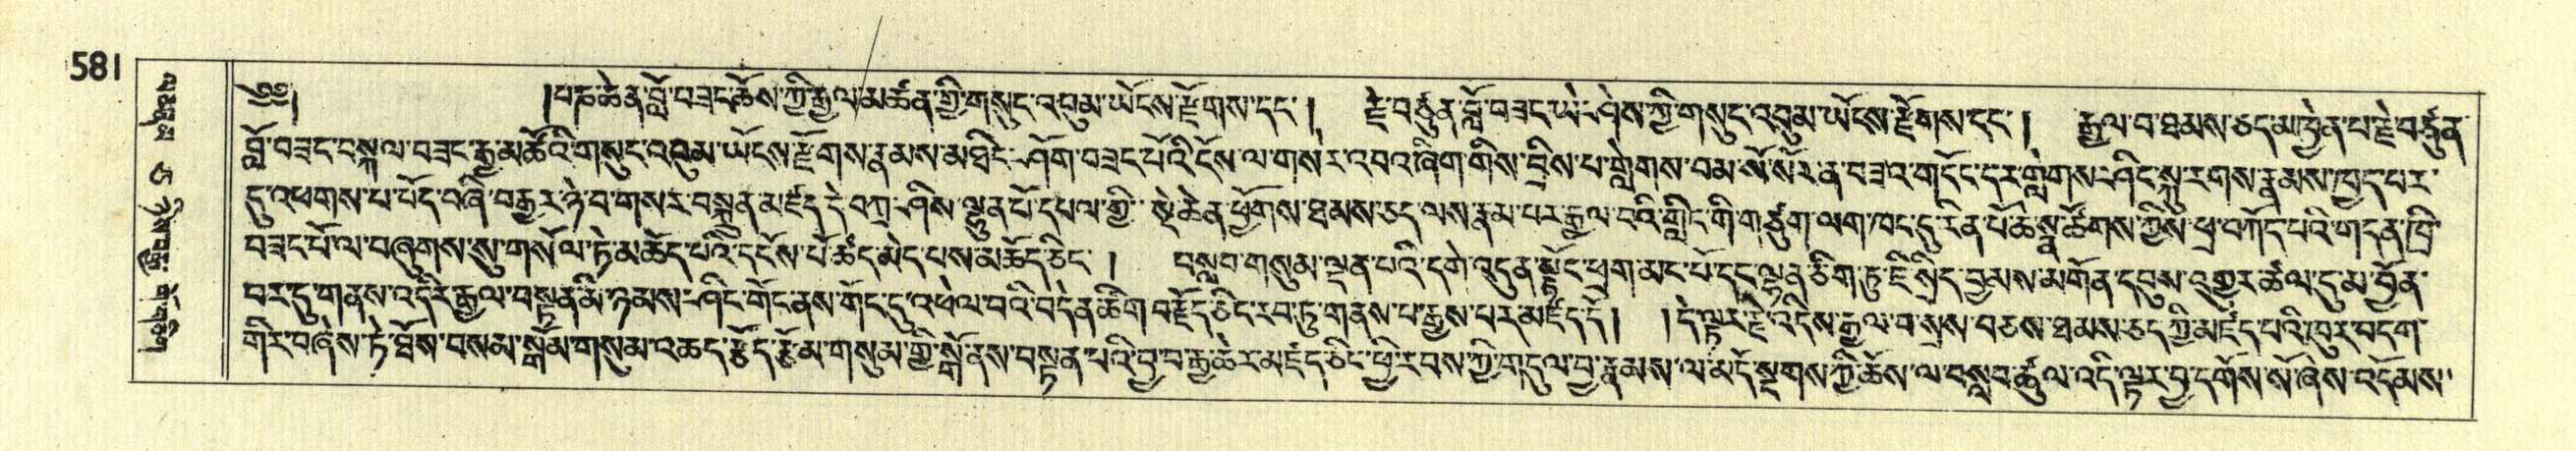༄༅། །པཎ་ཆེན་བློ་བཟང་ཆོས་ཀྱི་རྒྱལ་མཚན་གྱི་གསུང་འབུམ་ཡོངས་རྫོགས་དང་། རྗེ་བཙུན་བློ་བཟང་ཡེ་ཤེས་ཀྱི་གསུང་འབུམ་ཡོངས་རྫོགས་དང་། རྒྱལ་བ་ཐམས་ཅད་མཁྱེན་པ་རྗེ་བཙུན་
བློ་བཟང་བསྐལ་བཟང་རྒྱ་མཚོའི་གསུང་འབུམ་ཡོངས་རྫོགས་རྣམས་མཐིང་ཤོག་བཟང་པོའི་ངོས་ལ་གསེར་འབའ་ཞིག་གིས་བྲིས་པ་གླེགས་བམ་སོ་སོར་ན་བཟའ་གདོང་དར་གླེགས་ཤིང་སྐུ་རགས་རྣམས་ཁྱད་པར་
དུ་འཕགས་པ་པོད་བཞི་བརྒྱར་ཉེ་བ་གསར་བསྐྲུན་མཛད་དེ་བཀྲ་ཤིས་ལྷུན་པོ་དཔལ་གྱི་སྡེ་ཆེན་ཕྱོགས་ཐམས་ཅད་ལས་རྣམ་པར་རྒྱལ་བའི་གླིང་གི་གཙུག་ལག་ཁང་དུ་རིན་པོ་ཆེ་སྣ་ཚོགས་ཀྱིས་ཕྲ་བཀོད་པའི་གདན་ཁྲི་
བཟང་པོ་ལ་བཞུགས་སུ་གསོལ་ཏེ་མཆོད་པའི་དངོས་པོ་ཚད་མེད་པས་མཆོད་ཅིང་། བསླབ་གསུམ་ལྡན་པའི་དགེ་འདུན་སྟོང་ཕྲག་མང་པོ་དང་ལྷན་ཅིག་ཏུ་ཇི་སྲིད་བྱམས་མགོན་དབུས་འགྱུར་ཚལ་དུ་མ་བྱོན་
བར་དུ་གནས་འདིར་རྒྱལ་བསྟན་མི་ཉམས་ཤིང་གོང་ནས་གོང་དུ་འཕེལ་བའི་བདེན་ཚིག་བརྗོད་ཅིང་རབ་ཏུ་གནས་པ་རྒྱས་པར་མཛད་དོ། །དེ་ལྟར་རྗེ་འདིས་རྒྱལ་བ་སྲས་བཅས་ཐམས་ཅད་ཀྱི་མཛད་པའི་ཁུར་བདག་
གིར་བཞེས་ཏེ་ཐོས་བསམ་སྒོམ་གསུམ་འཆད་རྩོད་རྩོམ་གསུམ་གྱི་སྒོ་ནས་བསྟན་པའི་བྱ་བ་རྒྱ་ཆེར་མཛད་ཅིང་ཕྱི་རབས་ཀྱི་གདུལ་བྱ་རྣམས་ལ་མདོ་སྔགས་ཀྱི་ཆོས་ལ་བསླབ་ཚུལ་འདི་ལྟར་བྱ་དགོས་སོ་ཞེས་འདོམས་